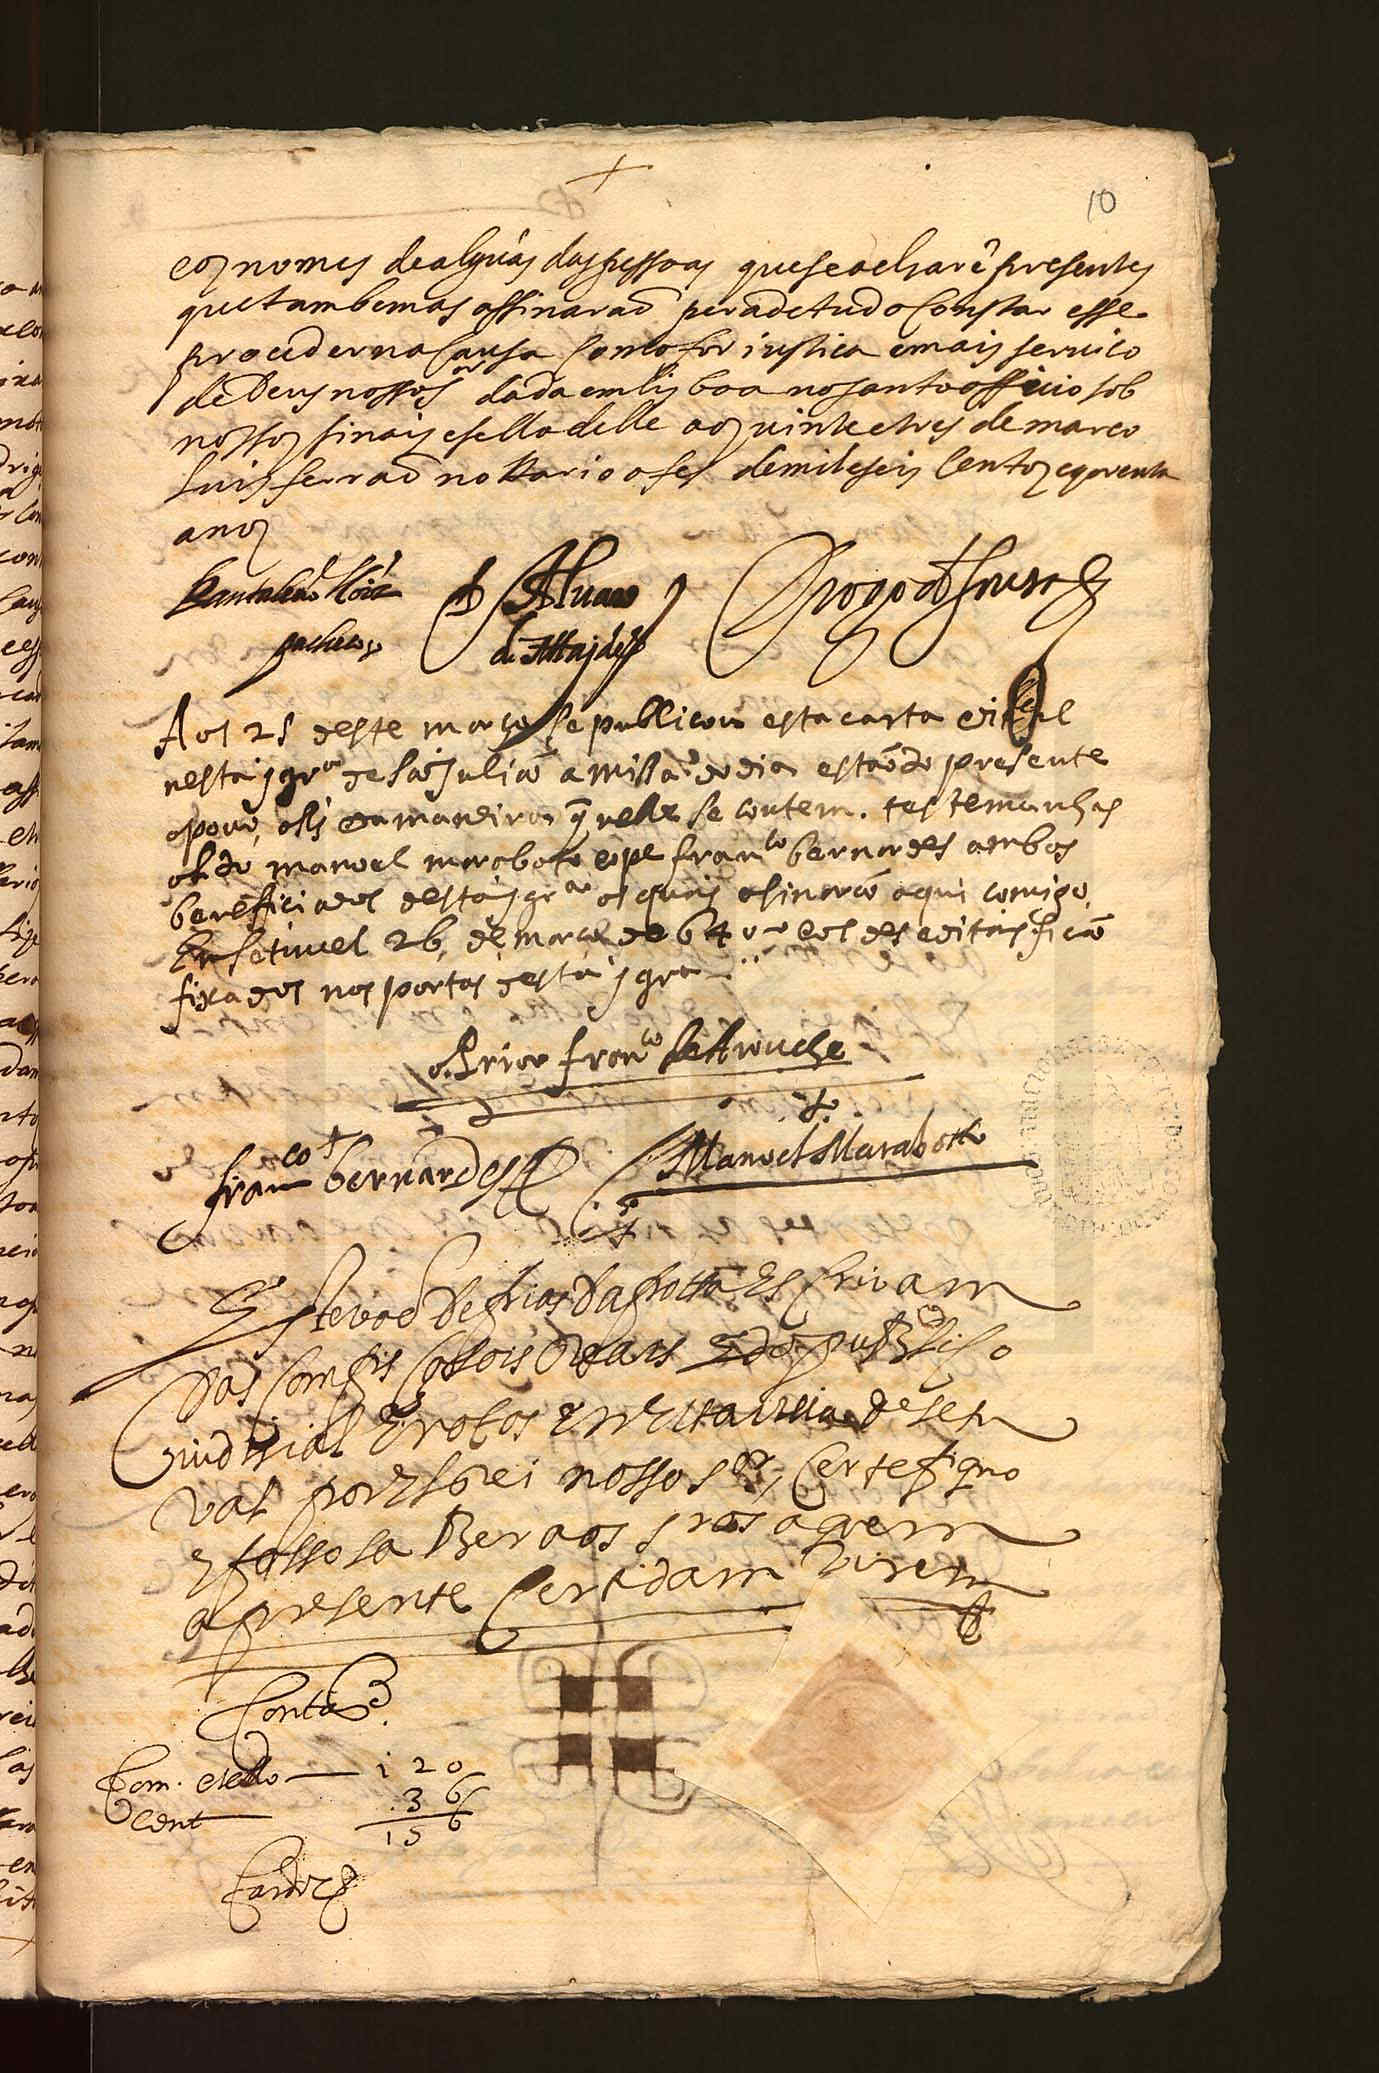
e os nomes de alguās das pessoas que se acharē presentes
que tambem as assinaraõ pera de tudo Constar esse
proceder na Causa Como for iustica e mais seruico
de Deus nosso Sor dada em lisboa no Santo officio sob
nossos sinais e sello delle aos uinte e tres de marco
Luis ferraõ nottario o fes de mil e seiscentos e qorenta
anos
Pantaleaõ Roiz̄ D Aluaro
pacheco
de Attaide Diogo d Sousa
Aos 25 deste março se publicou esta carta edital
nesta jgra de Saõ Juliaõ a missa do dia estaõ de presente
o pouo, assi da maneira q̄ nella se contem. testemunhas
o Ldo manoel maroboto e o pe fran.co bernardes ambos
benefficiados desta jgr.a os quais asinaraõ aqui comigo,
En Setuuel 26, de março de 640 e os dos editais ficaõ
fixados nas portas desta jgra
Com. e sello – i20
36
cont
Cardozo
o Prior fran.co de Arouche
fran.co bernardes
Manoel Marabotto
Estevaõ de frias da frotta Escrivam
das ComfisCasois Reais E dopubliCo
iudisial E notas E nesta villa de seu
val por El Rei nosso s.or, Certefiquo
E fasso saber aos sr.os a quem
a presente Certidam virem
Contas
